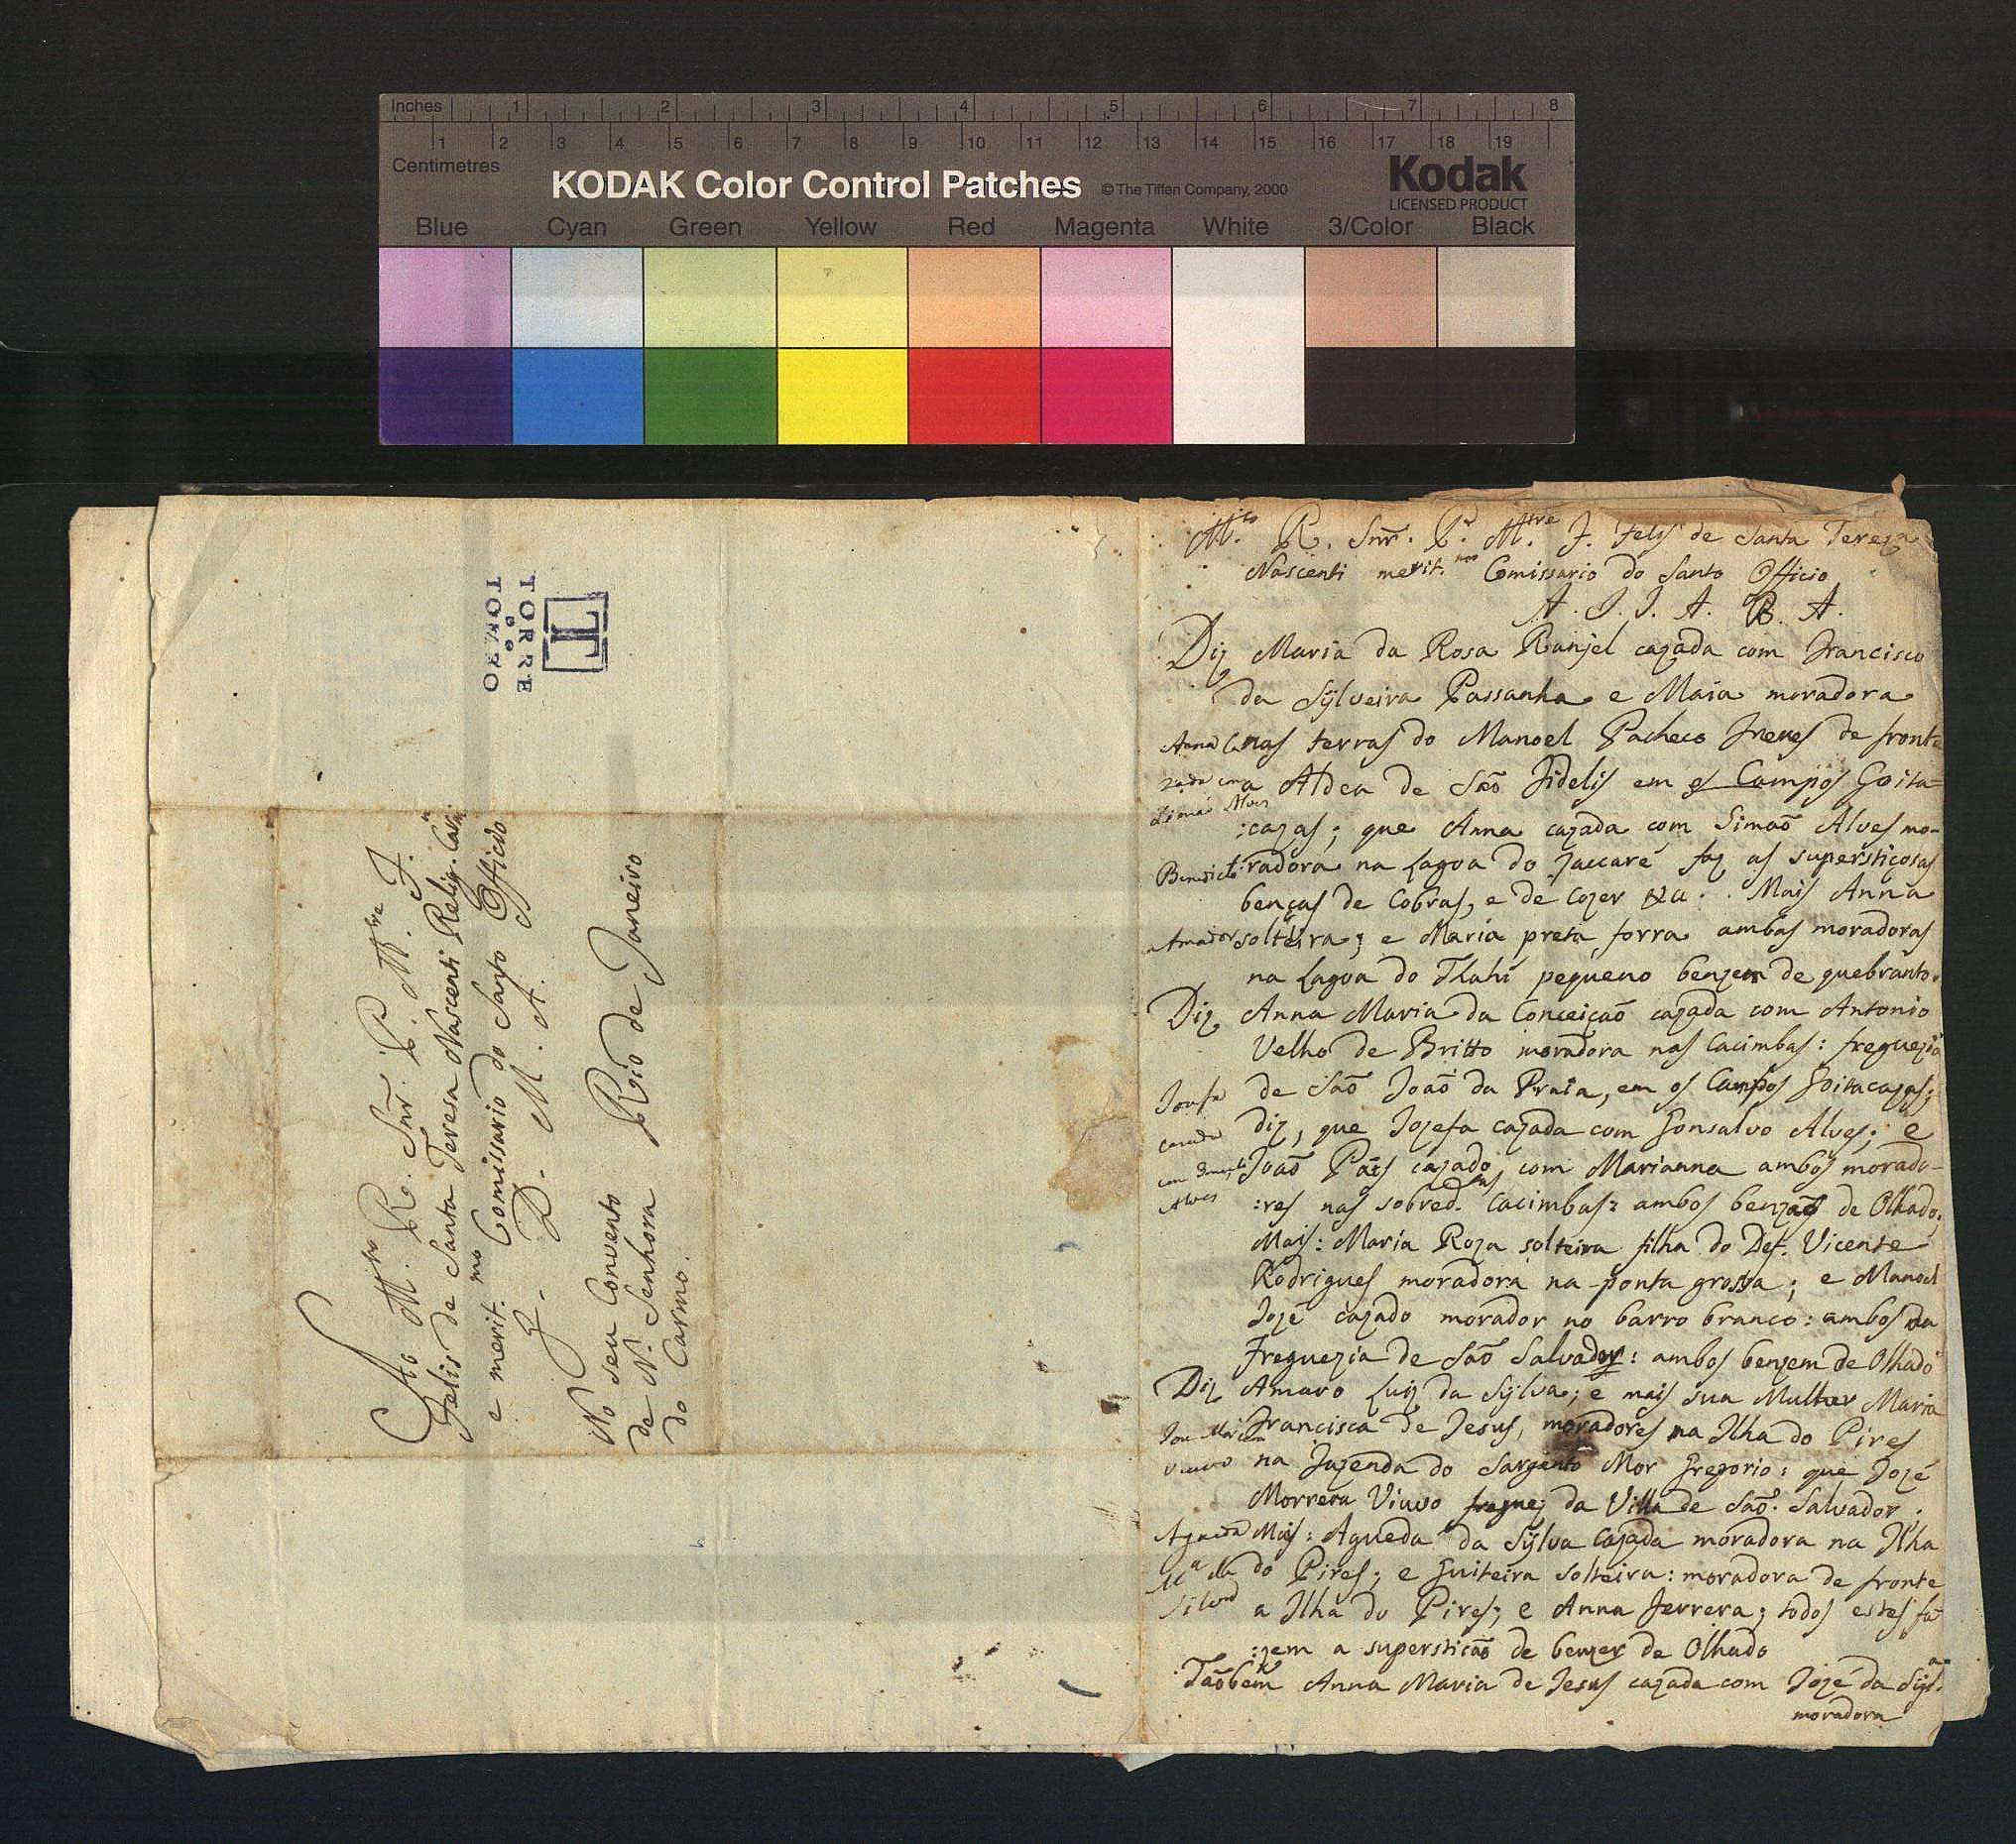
M.to R. Snr̄. P. M.tre F. Felis de Santa Tereza
Nascenti merit.mo Comissario do Santo Officio
A.I.I. A. B. A.
Diz Maria da Rosa Ranjel cazada com Francisco
da Sylveira Passanha e Maia moradora
Anna ca
zada com
Simaõ Alves
nas terras do Manoel Pacheco Freues defronte
a Aldea de Saõ Fidelis em os Campos Goita
cazas; que Anna cazada com Simaõ Alves mo
Benedicto
radora na Lagoa do Jaccaré faz as superstiçosas
benças de cobras, e de cozer &c. Mais Anna
Amador
solteira, e Maria preta forra, ambas moradoras
na Lagoa do Thahí pequeno benzem de quebranto.
Diz Anna Maria da Conceiçaõ cazada com Antonio
Velho de Britto, moradora nas Cacimbas: freguezia
Iosefa
casada
com Gonçalo
Alves
de Saõ Joaõ da Prata, em os Campos Goitacazas;
diz, que Iozefa cazada com Gonsalvo Alves; e
Joaõ Pais cazado com Marianna ambos morado
res nas sobred.tas Cacimbas: ambos benzaõ de Olhado,
Mais: Maria Roza solteira filha do Def. Vicente
Rodrigues moradora na ponta grossa; e Manoel
Iozé cazado morador no barro branco: ambos da
Freguezia de Saõ Salvador: ambos benzem de Olhado
Diz Amaro Luiz da Sylva; e mais sua Mulher Maria
Iose Moreira
Viuvo
Francisca de Jesus, moradores na Ilha do Pires
na Fazenda do Sargento Mor Gregorio: que Jozé
Morrera Viuvo fregues da Villa de Saõ Salvador;
Agueda
Ma da
Silva
Mais: Agueda da Sylva cazada moradora na Ilha
do Pires; e Guiteira solteira: moradora defronte
a Ilha do Pires; e Anna Ferrera; todos estas fa
zem a superstiçaõ de benzer de Olhado
Taõbem
Anna Maria de Iesus cazada com Iozé da Syl.a
moradora
